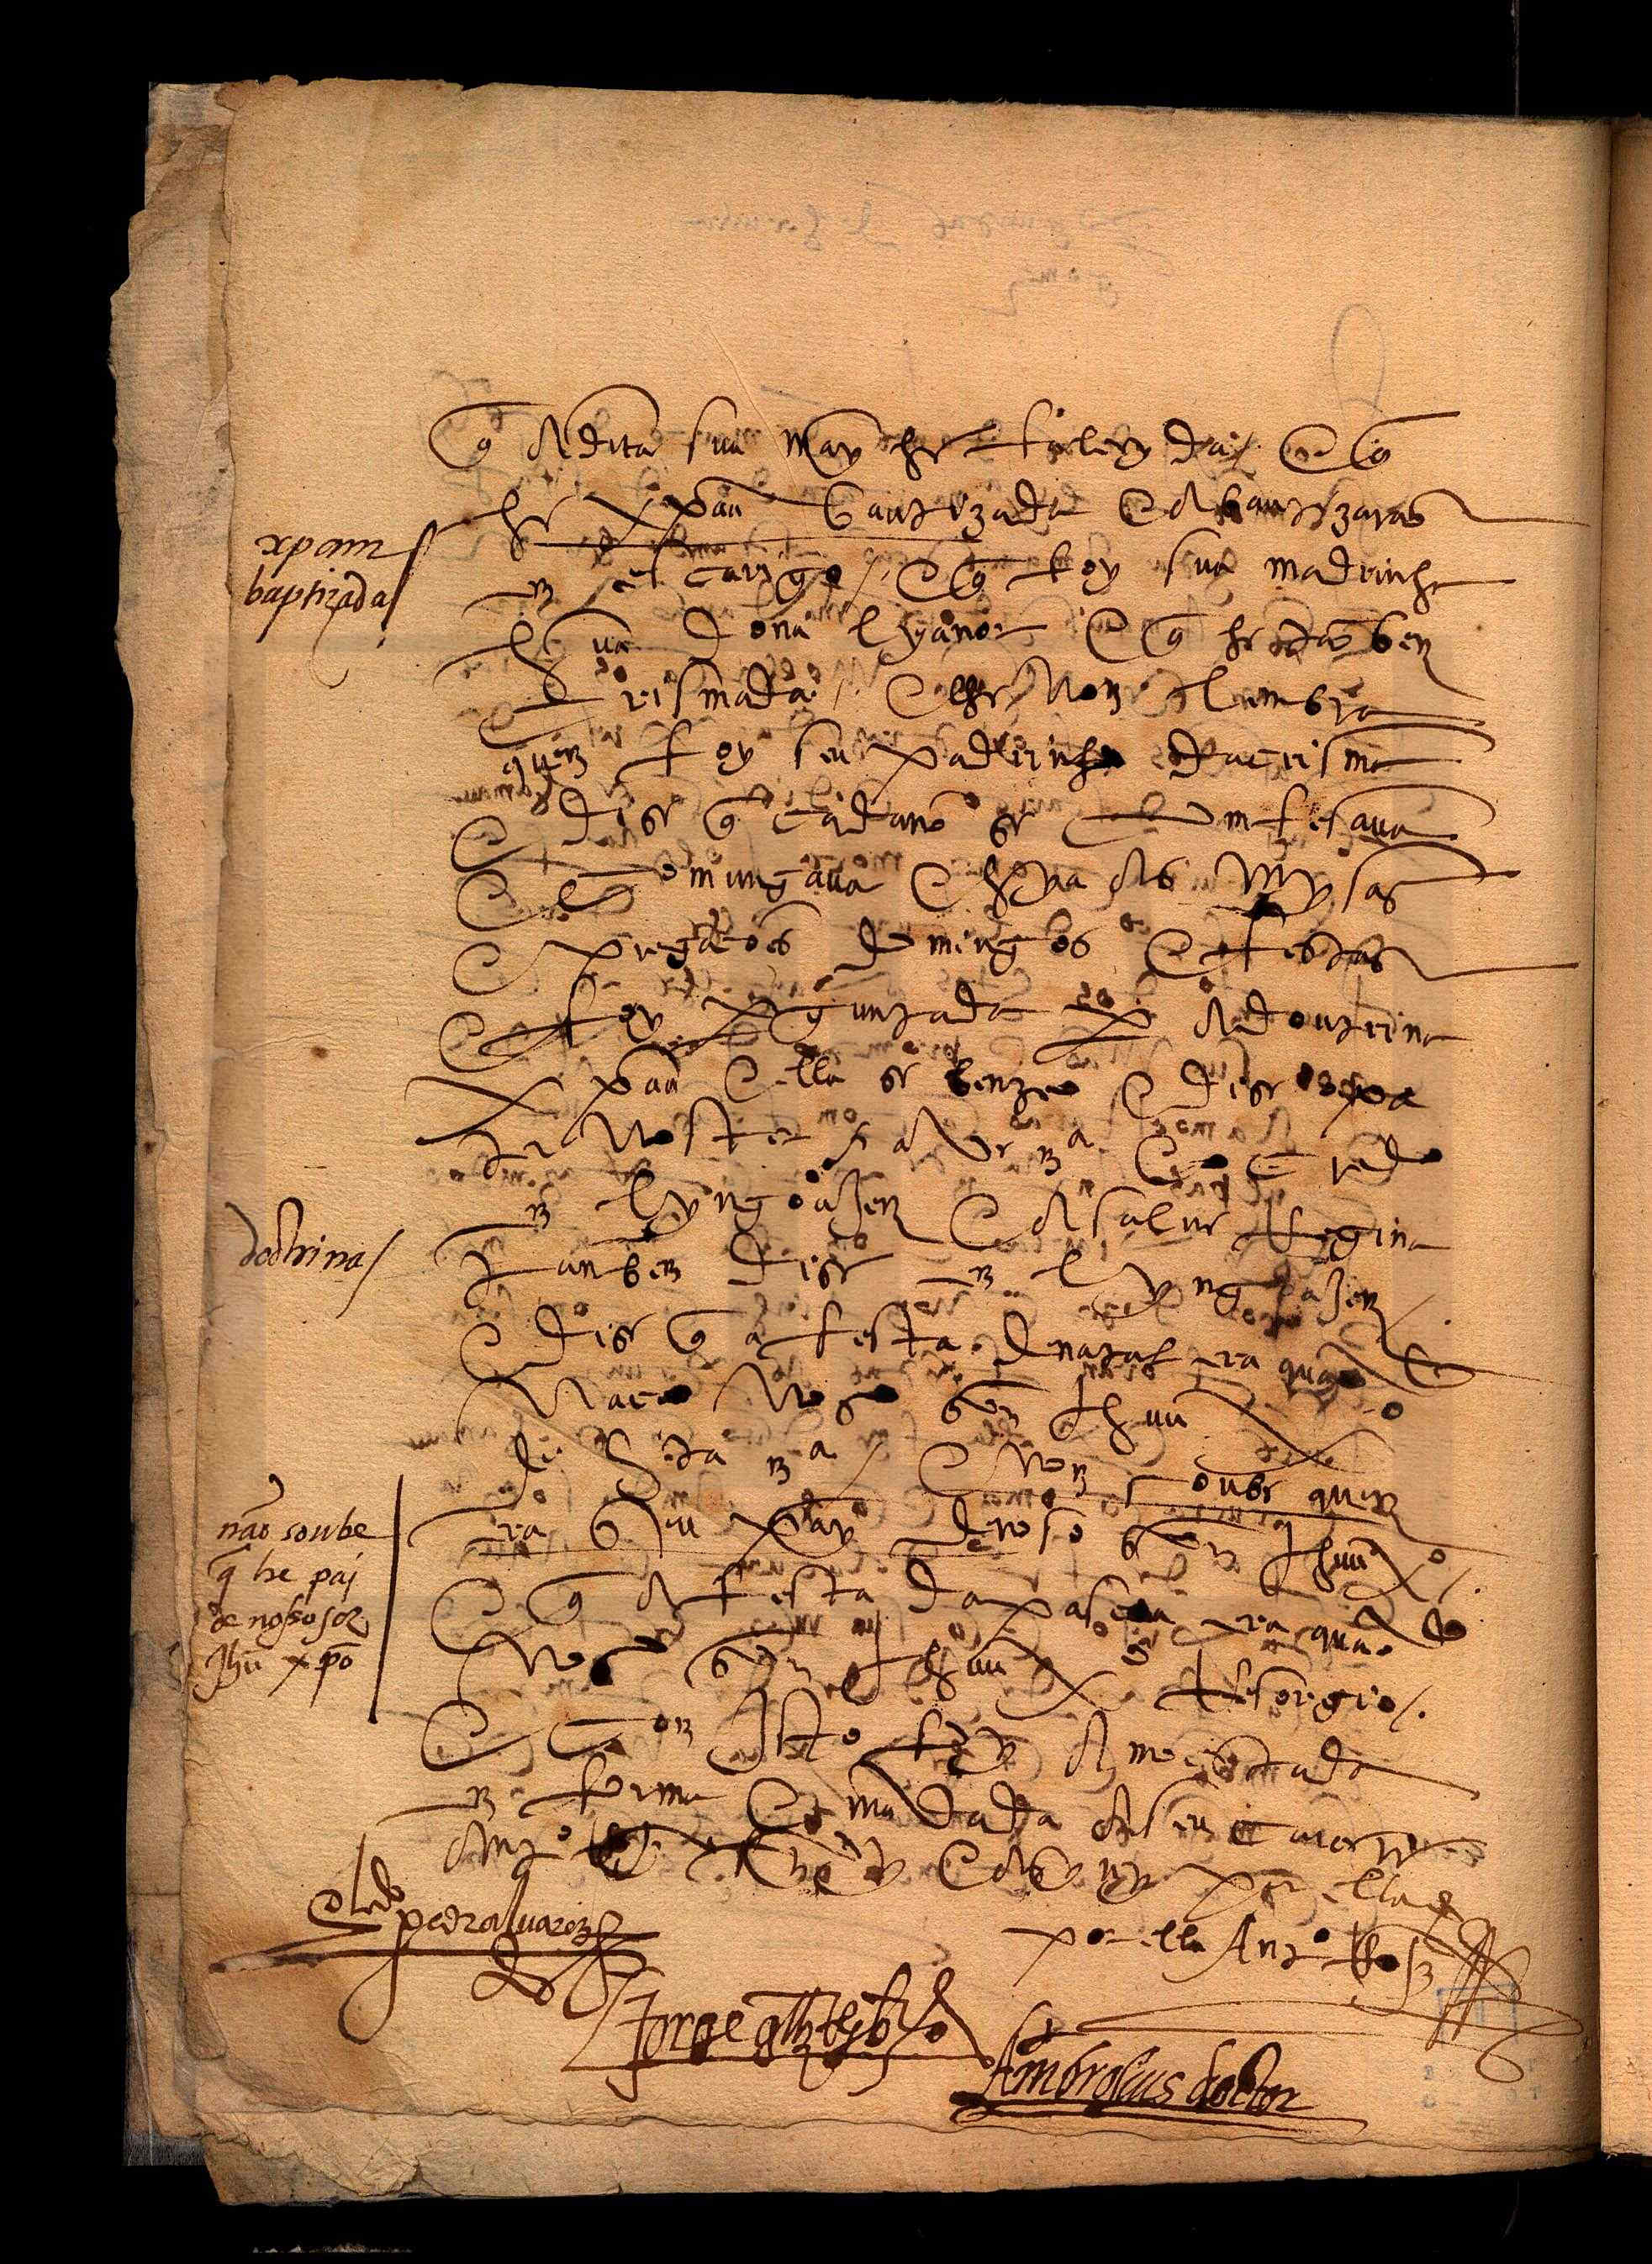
xpam
baptizada
doctrina
não soube
q̄ he paj
de nosso sor
Jhū xpō
q̄ A d̄ita sua mãy he falecyda ./. e q̄
he Xpāa bautizada e A bautizaraõ
em escarigo /. e q̄ foy sua madrinha
hūa dona lyanor e q̄ he taõbem
Crismada /. e lhe Nom lembra
quem foy seu padrinho da crisma
e dise q̄ cadanō se Comfesaua
e Comungaua e hya As mysas
e pregaçoẽs domingos e festas
e foy ꝑguntada ꝑ A doutrina
Xpāa e ella se benzeo e dise o pa
ter Noster e ave ma e o Credo
em lyngoaJem e A salue Regina
tanbem dise em lyngoaJem
e dise q̄ a festa de natal era quãodo
Naceo Noso sōr Jhuū Xo
de Sta ma / e nom soube quem
era seu pay de noso sōr Jhuū Xo /.
e q̄ A festa da pascoa era quãodo
Noso s̄or Jhuū Xo Resorgio /.
e Com Jsto foy Amoestada
em forma e mādada A seu carcere
Anto RoJz̄ o scp̄vy e Asyney por ella
por ella Anto RoJz̄
